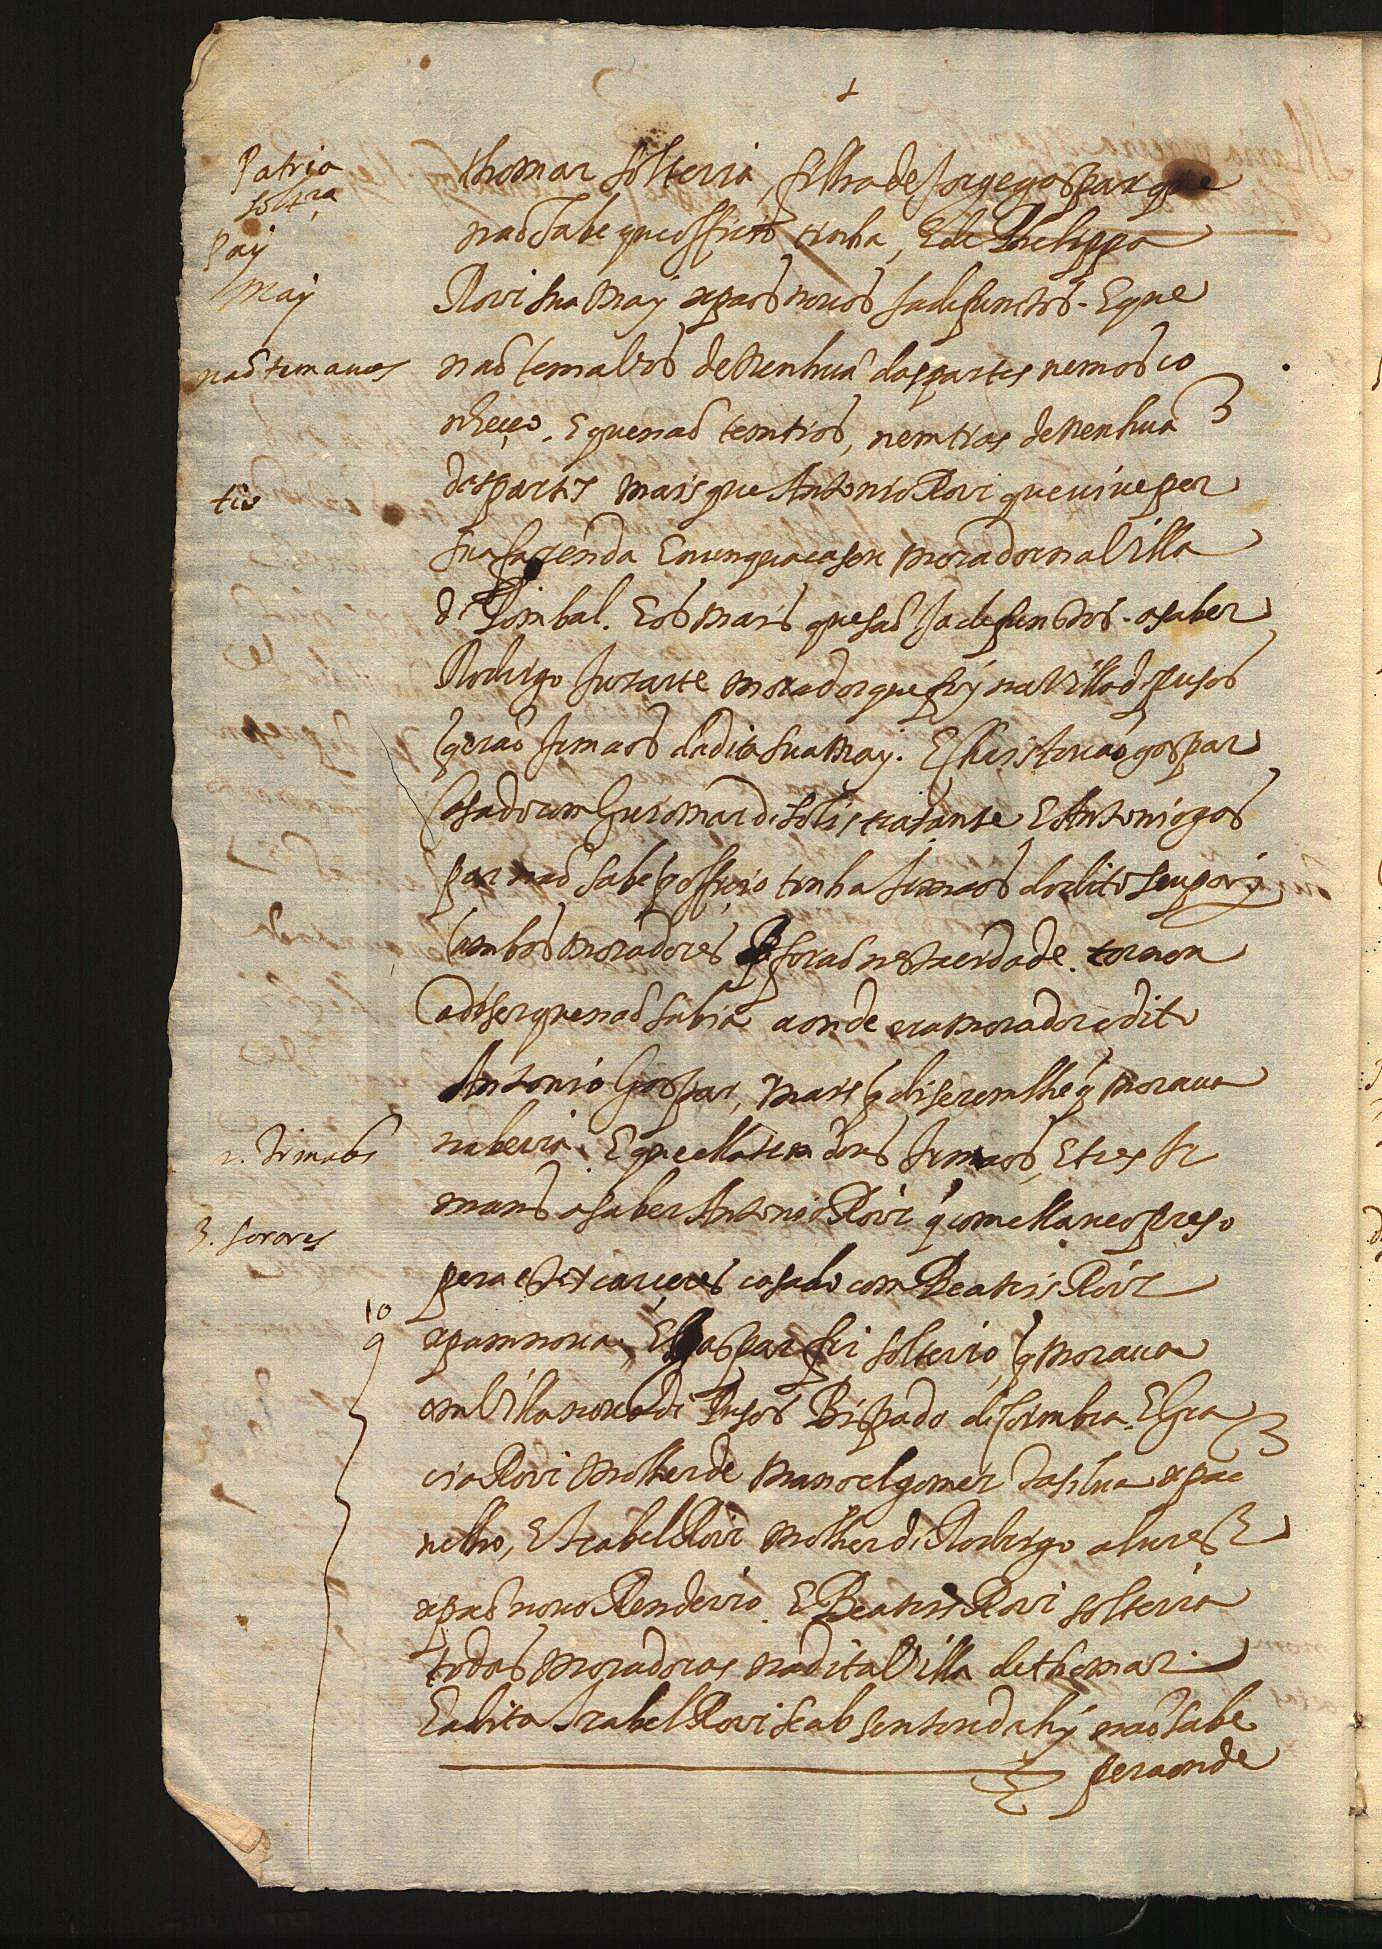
thomar Solteira, filha de Jorge gaspar que
naõ sabe que officio tinha, E de Phelippa
Roiz sua may xpaos nouos Ja defunctos. E que
naõ tem aVos de nenhuā das partes nem os co
nheçeo, E que naõ tem tios, nem tias de nenhuā
das partes mais que Antonio Roiz que uiue por
sua fazenda E nunqua casou morador na Villa
de Pombal. E os mais que saõ Ja defunctos. a saber
Rodrigo Juzarte morador que foy na Villa de pusos
q̄ eraõ Jrmaõs da dita sua may. E Christouaõ gaspar
Casado com Guiomar de Solis tratante E Antonio gas
par naõ sabe q̄ offiçio tinha Jrmaõs do dito seu paj
(ambos moradores q̄ foraõ nesta erdade. tornou
a diser que naõ sabia aonde era morador o dito
Antonio Gaspar, mais q̄ diseremlhe q̄ moraua
na beira. E que ella tem dous Irmaõs, E tres Ir
mañs a saber Antonio Roiz q̄ com ella ueo preso
pera estes carçeres casado com Beatris Roiz
xpam noua, E Gaspar foi solteiro, q̄ moraua
na Villa noua de Pusos Bispado de Coimbra, E Gra
cia Roiz molher de manoel gomez da silua xpaõ
uelho, E Izabel Roiz molher de Rodrigo alures
xpaõ nouo Rendeiro. E Beatris Roiz solteira
todas moradoras na dita Villa de thomar.
E a dita Izabel Roiz se absentou dahy naõ sabe
pera onde
